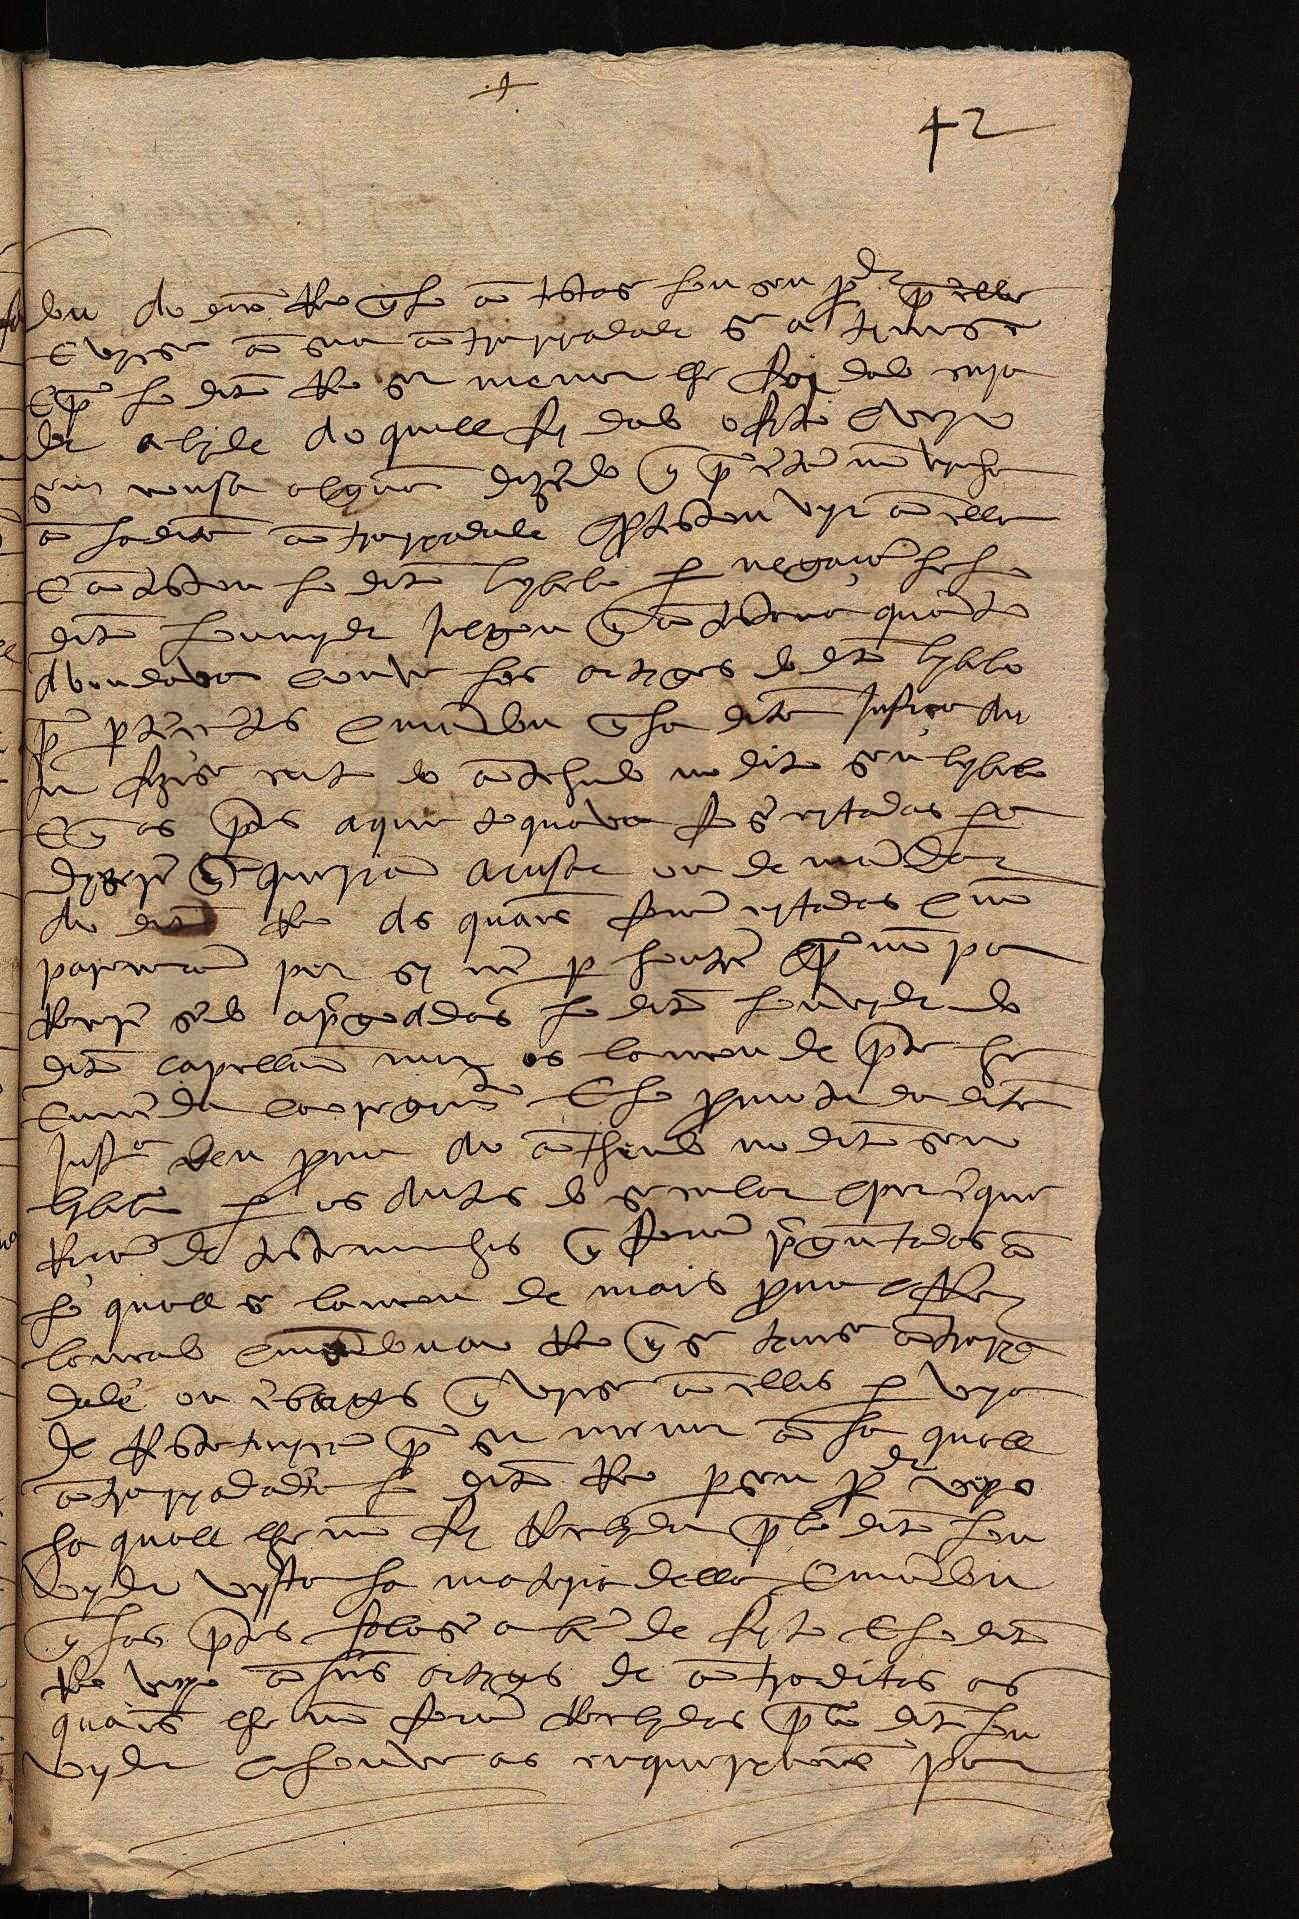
42
dou Ao dito Reo q̄ ho c̄otestase hou seu ꝓdor p̄o elle
E vyese c̄o sua c̄otraryadade se a tyuese
E p̄o ho dito Reo ser menor lhe foj dado cura
dor a lyde Ao quall foj dado o fejto e veyo
sem cousa algūa dizēdo q̄ p̄o ētā nō vynha
c̄o ha dita c̄otraryadade e ꝓtestou vyr c̄o ella
E c̄otestou ho dito lybelo ꝑ negaçā he ho
dito houuydor Julgou q̄ c̄otestaua quāto
Avondava e ouve hos artygos do dtō lybelo
p̄o ꝑtēcētes e mādou q̄ ha dita Justiça Au
tor fizese certo do c̄otehudo no dito seu lybelo
E q̄ as p̄tes a que toquava fosē cytadas ꝑa
dyzerē se queriā acusar ou demādar
Ao dito Reo As quaes forā cytadas e nō
parecerā per sy nē ꝑ houtrē e p̄o nō pa
Recerē sēdo ap̄goadas ho dito houvydor do
dito capellão mor os lançou de p̄te he
Enmēda e coregimto E ho ꝓmotor da dita
Justa deu ꝓua ao c̄otheudo no dito seu
ljbelo ꝑ os Autos do secular e per ēque
Riçā de testemuhas q̄ forā p̄gūtadas c̄o
ho quall se lançou de mais ꝓua e ffoy
lançado e mādou ao Reo q̄ se teuese c̄otrarya
dade ou ēbargos q̄ vjese c̄o elles ꝑ vya
de Restetuyçā p̄o ser menor c̄o ha quall
c̄otraryadade ho dito Reo ꝑ seu ꝓdor veyo
ha quall lhe nō foy Recebyda p̄lo dito hou
vydor vysta ha materia della E mādou
q̄ has p̄tes falasē a bē de feyto E ho dito
Reo veyo c̄o hus̄ artygos de c̄otraditas as
quaes lhe nō forā Recebydas p̄lo dito hou
vydor e houve as enqueryções pro
